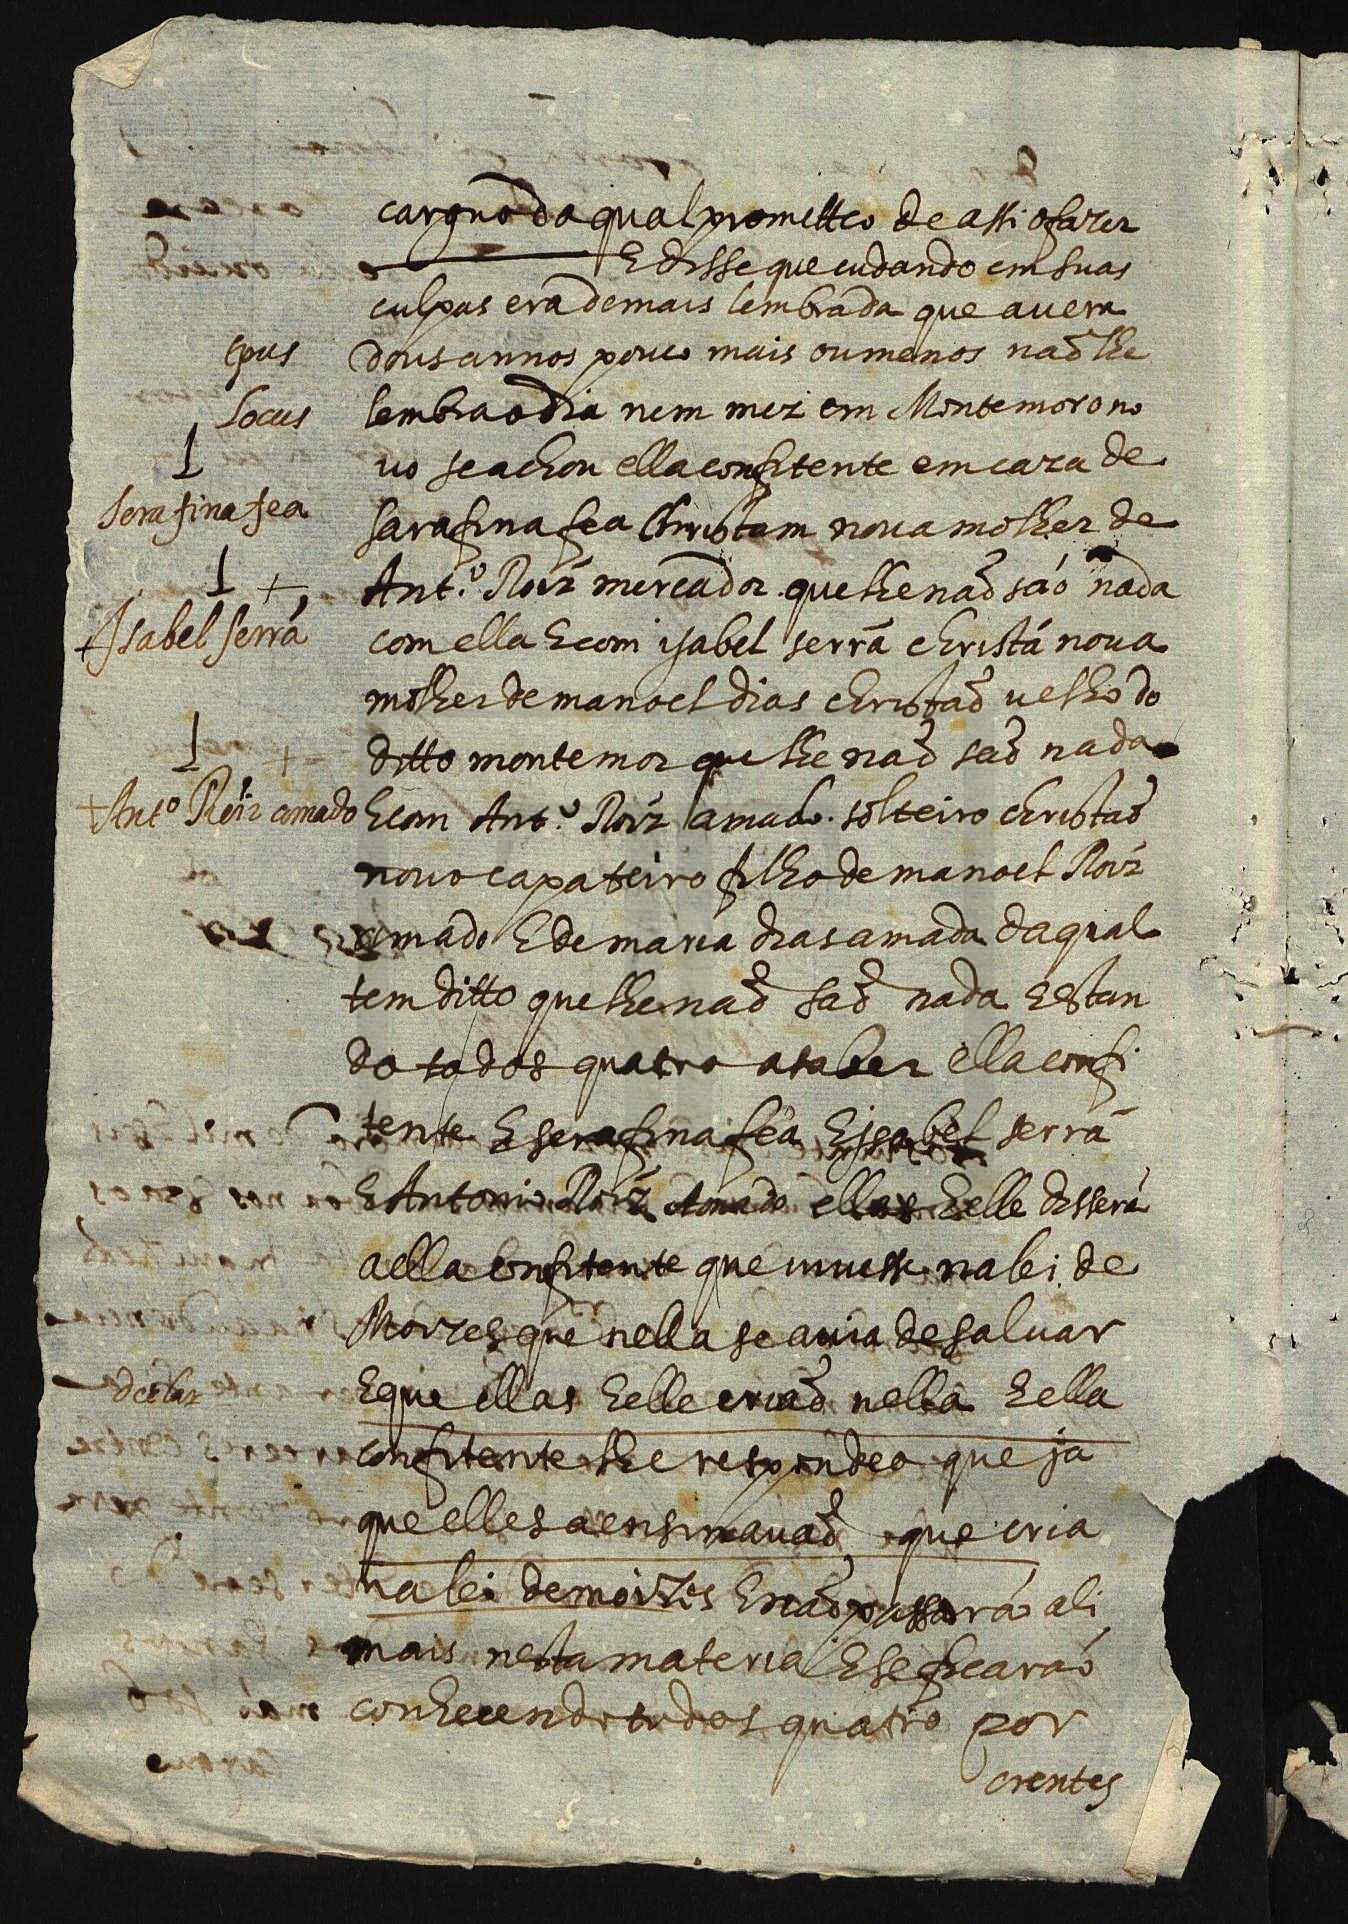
carguo do qual prometteo de assi o fazer
E disse que cudando em suas
culpas era de mais lembrada que auera
dous annos pouco mais ou menos naõ lhe
tpus
lembra o dia nem mez em Montemor o no
locus
uo se achou ella confitente em caza de
serafina fea
sarafina fea Christam noua molher de
Ant.o Roiz̄ mercador que lhe não são nada
+ Jsabel Serrā
com ella E com Jsabel serrā christā noua
molher de manoel dias christaõ uelho do
ditto montemor que lhe naõ saõ nada
+ Anto Roīz amado
E com Ant.o Roiz̄ amado solteiro christaõ
nouo capateiro filho de manoel Roiz̄
amado E de maria dias amada da qual
tem ditto que lhe naõ saõ nada E estan
do todos quatro a saber ella confi
tente E serafina fea, E jsabel serrā
E Antonio Roiz̄ Amado ellas E elle disserā
a ella confitente que uiuesse na lei de
Moizes que nella se auia de saluar
declar
E que ellas E elle criaõ nella E ella
confitente lhe respondeo que ja
que elles a ensinauaõ que cria
na lei de moizes E naõ passaraõ ali
mais nesta materia E se ficarão
conhecendo todos quatro por
crentes
